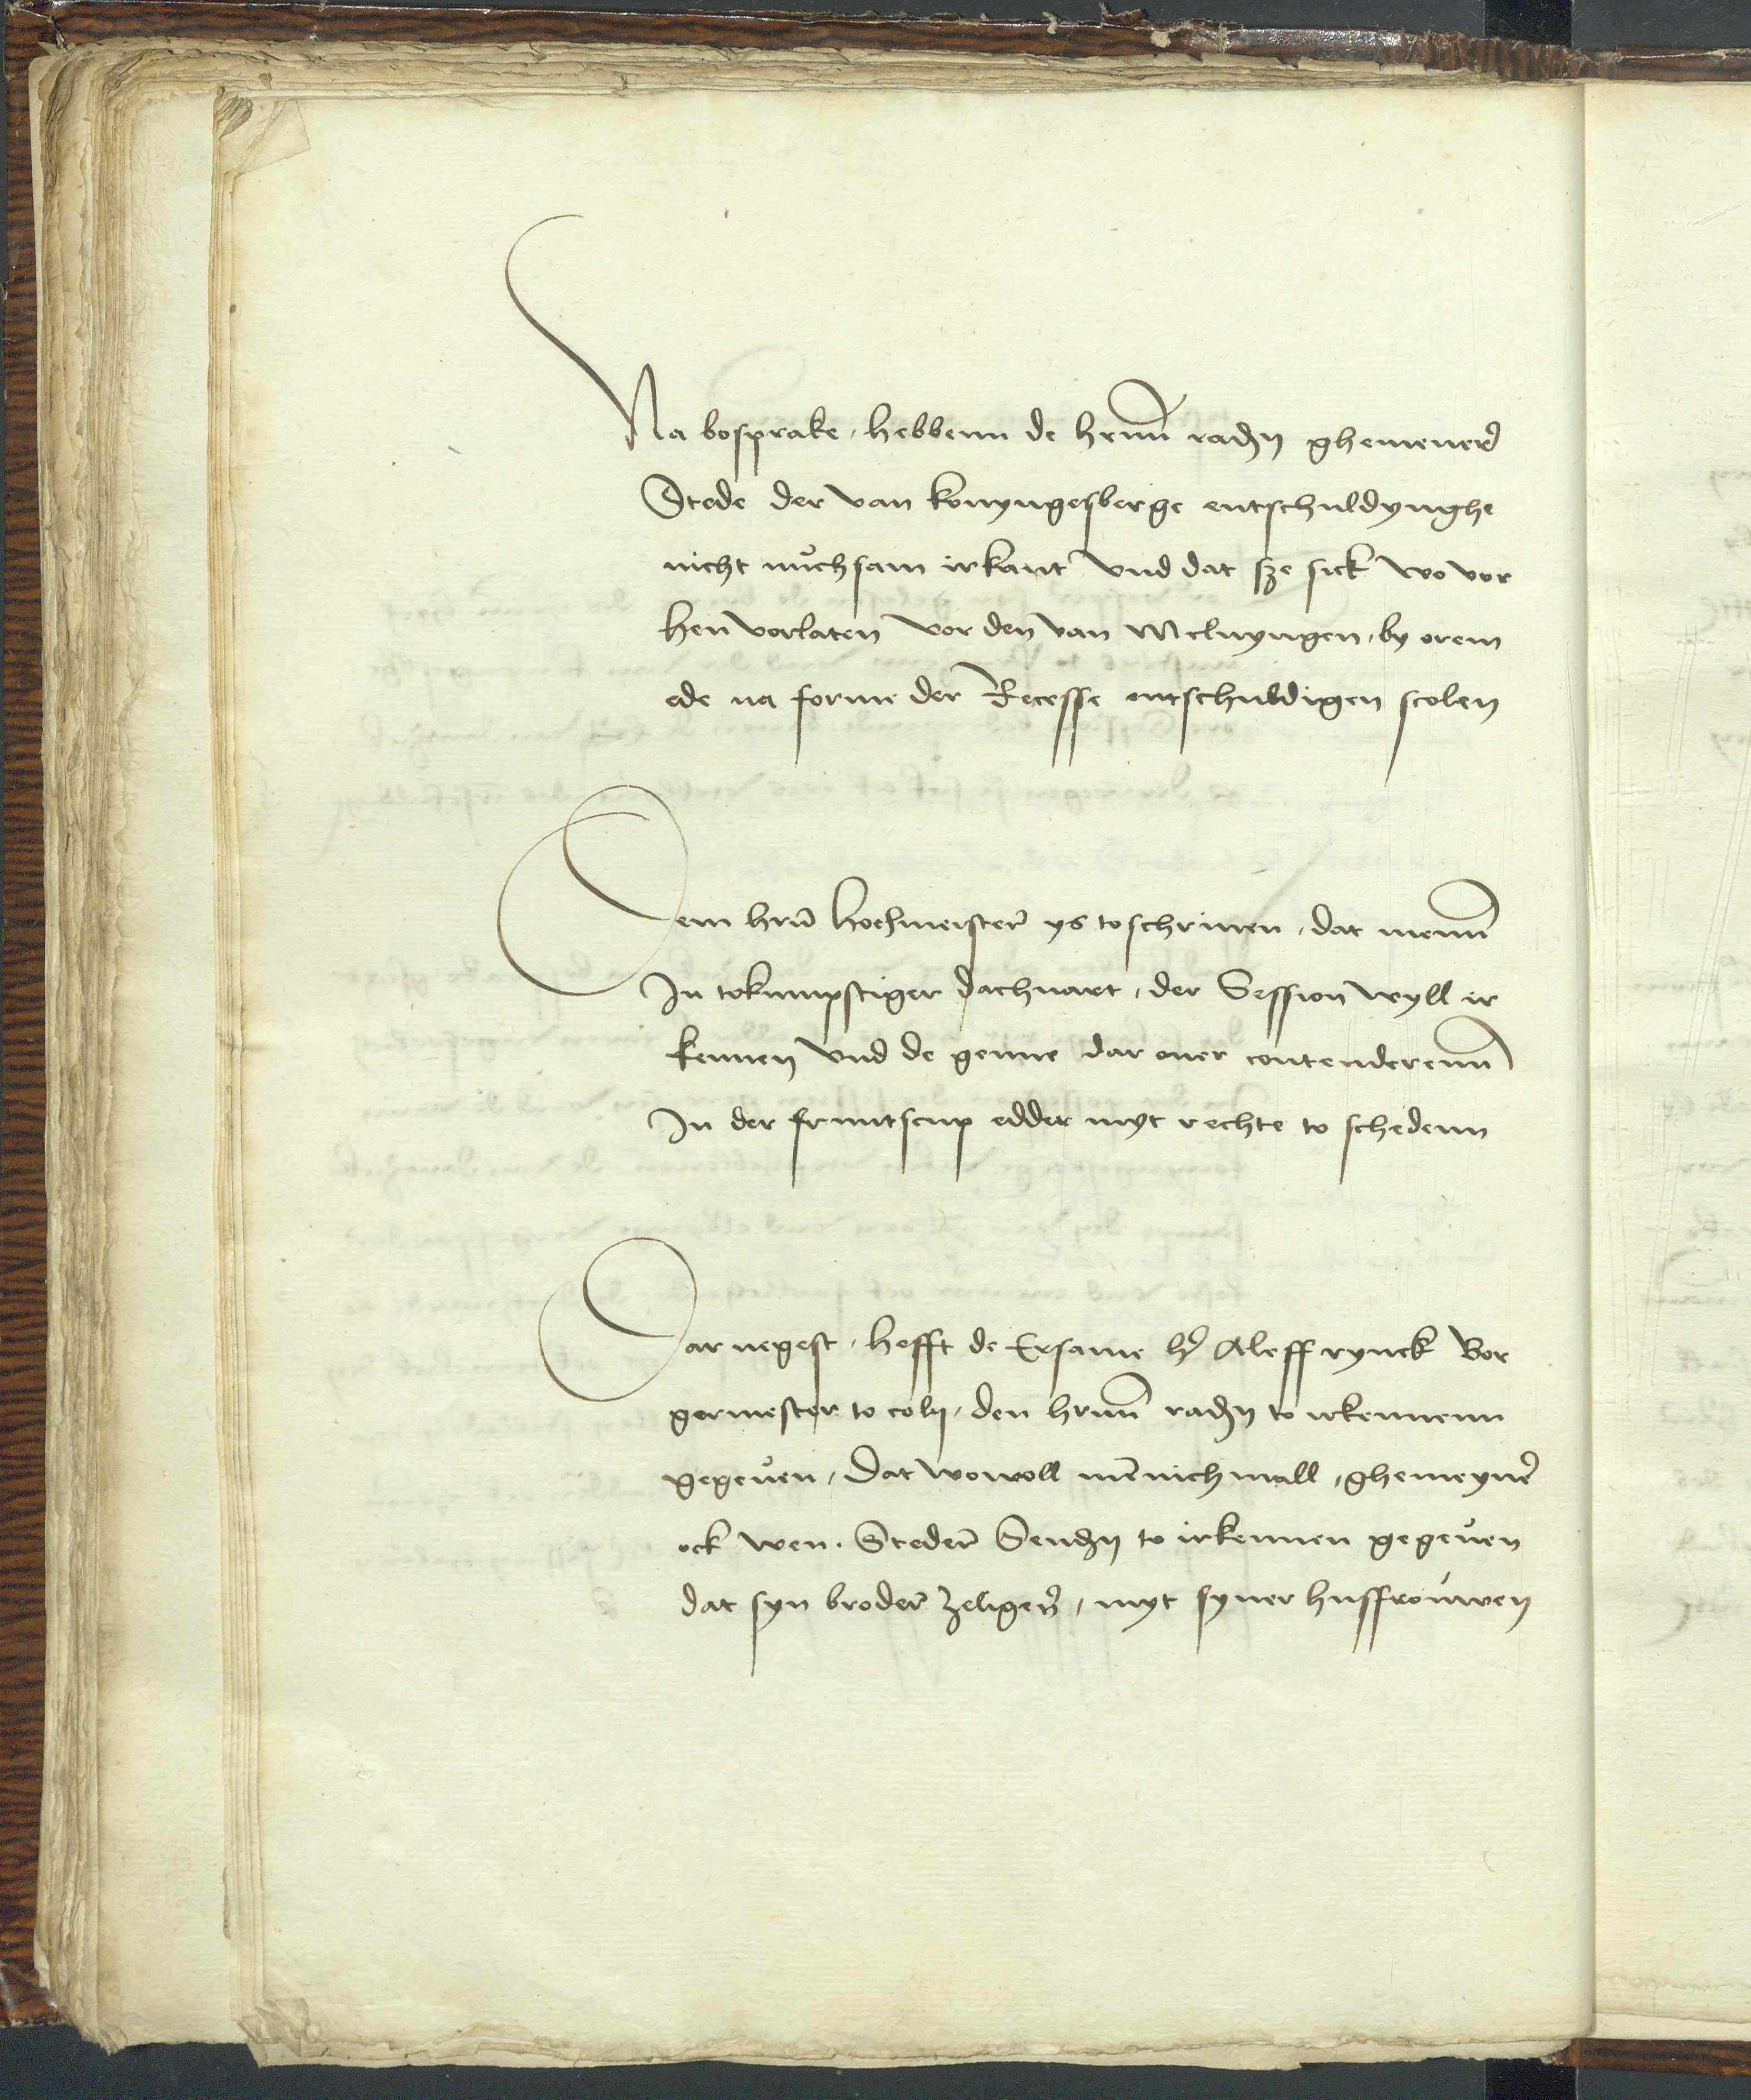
Na bosprake, hebben de hernn radessendebaden ghemener
Stede der van konyngsberge entschuldynghe
nicht nuchsam irkant vnd dat sze sick wo vor¬
hen vorlaten vor den van Melnyngen, by orem
ede na forme der Recesse entschuldigen scolen
Dem hern hochmeister ys to schriuen, dat menn
Jn tokumpstiger dachuart, der Session wyll ir¬
kennen vnd de genne dar ouer contenderenn
Jn der fruntscup edder myt rechte to schedenn
Dar negest hefft der Ersame her Aleff rynck Bor¬
germester to coln, den hernn radessendebaden to irkennenn
gegeuen, dat wowoll mennichmall, ghemeyner
ock wen. Steder Sendebaden to irkennen gegeuen
dat syn broder Zeliger, myt syner husfrouwen
